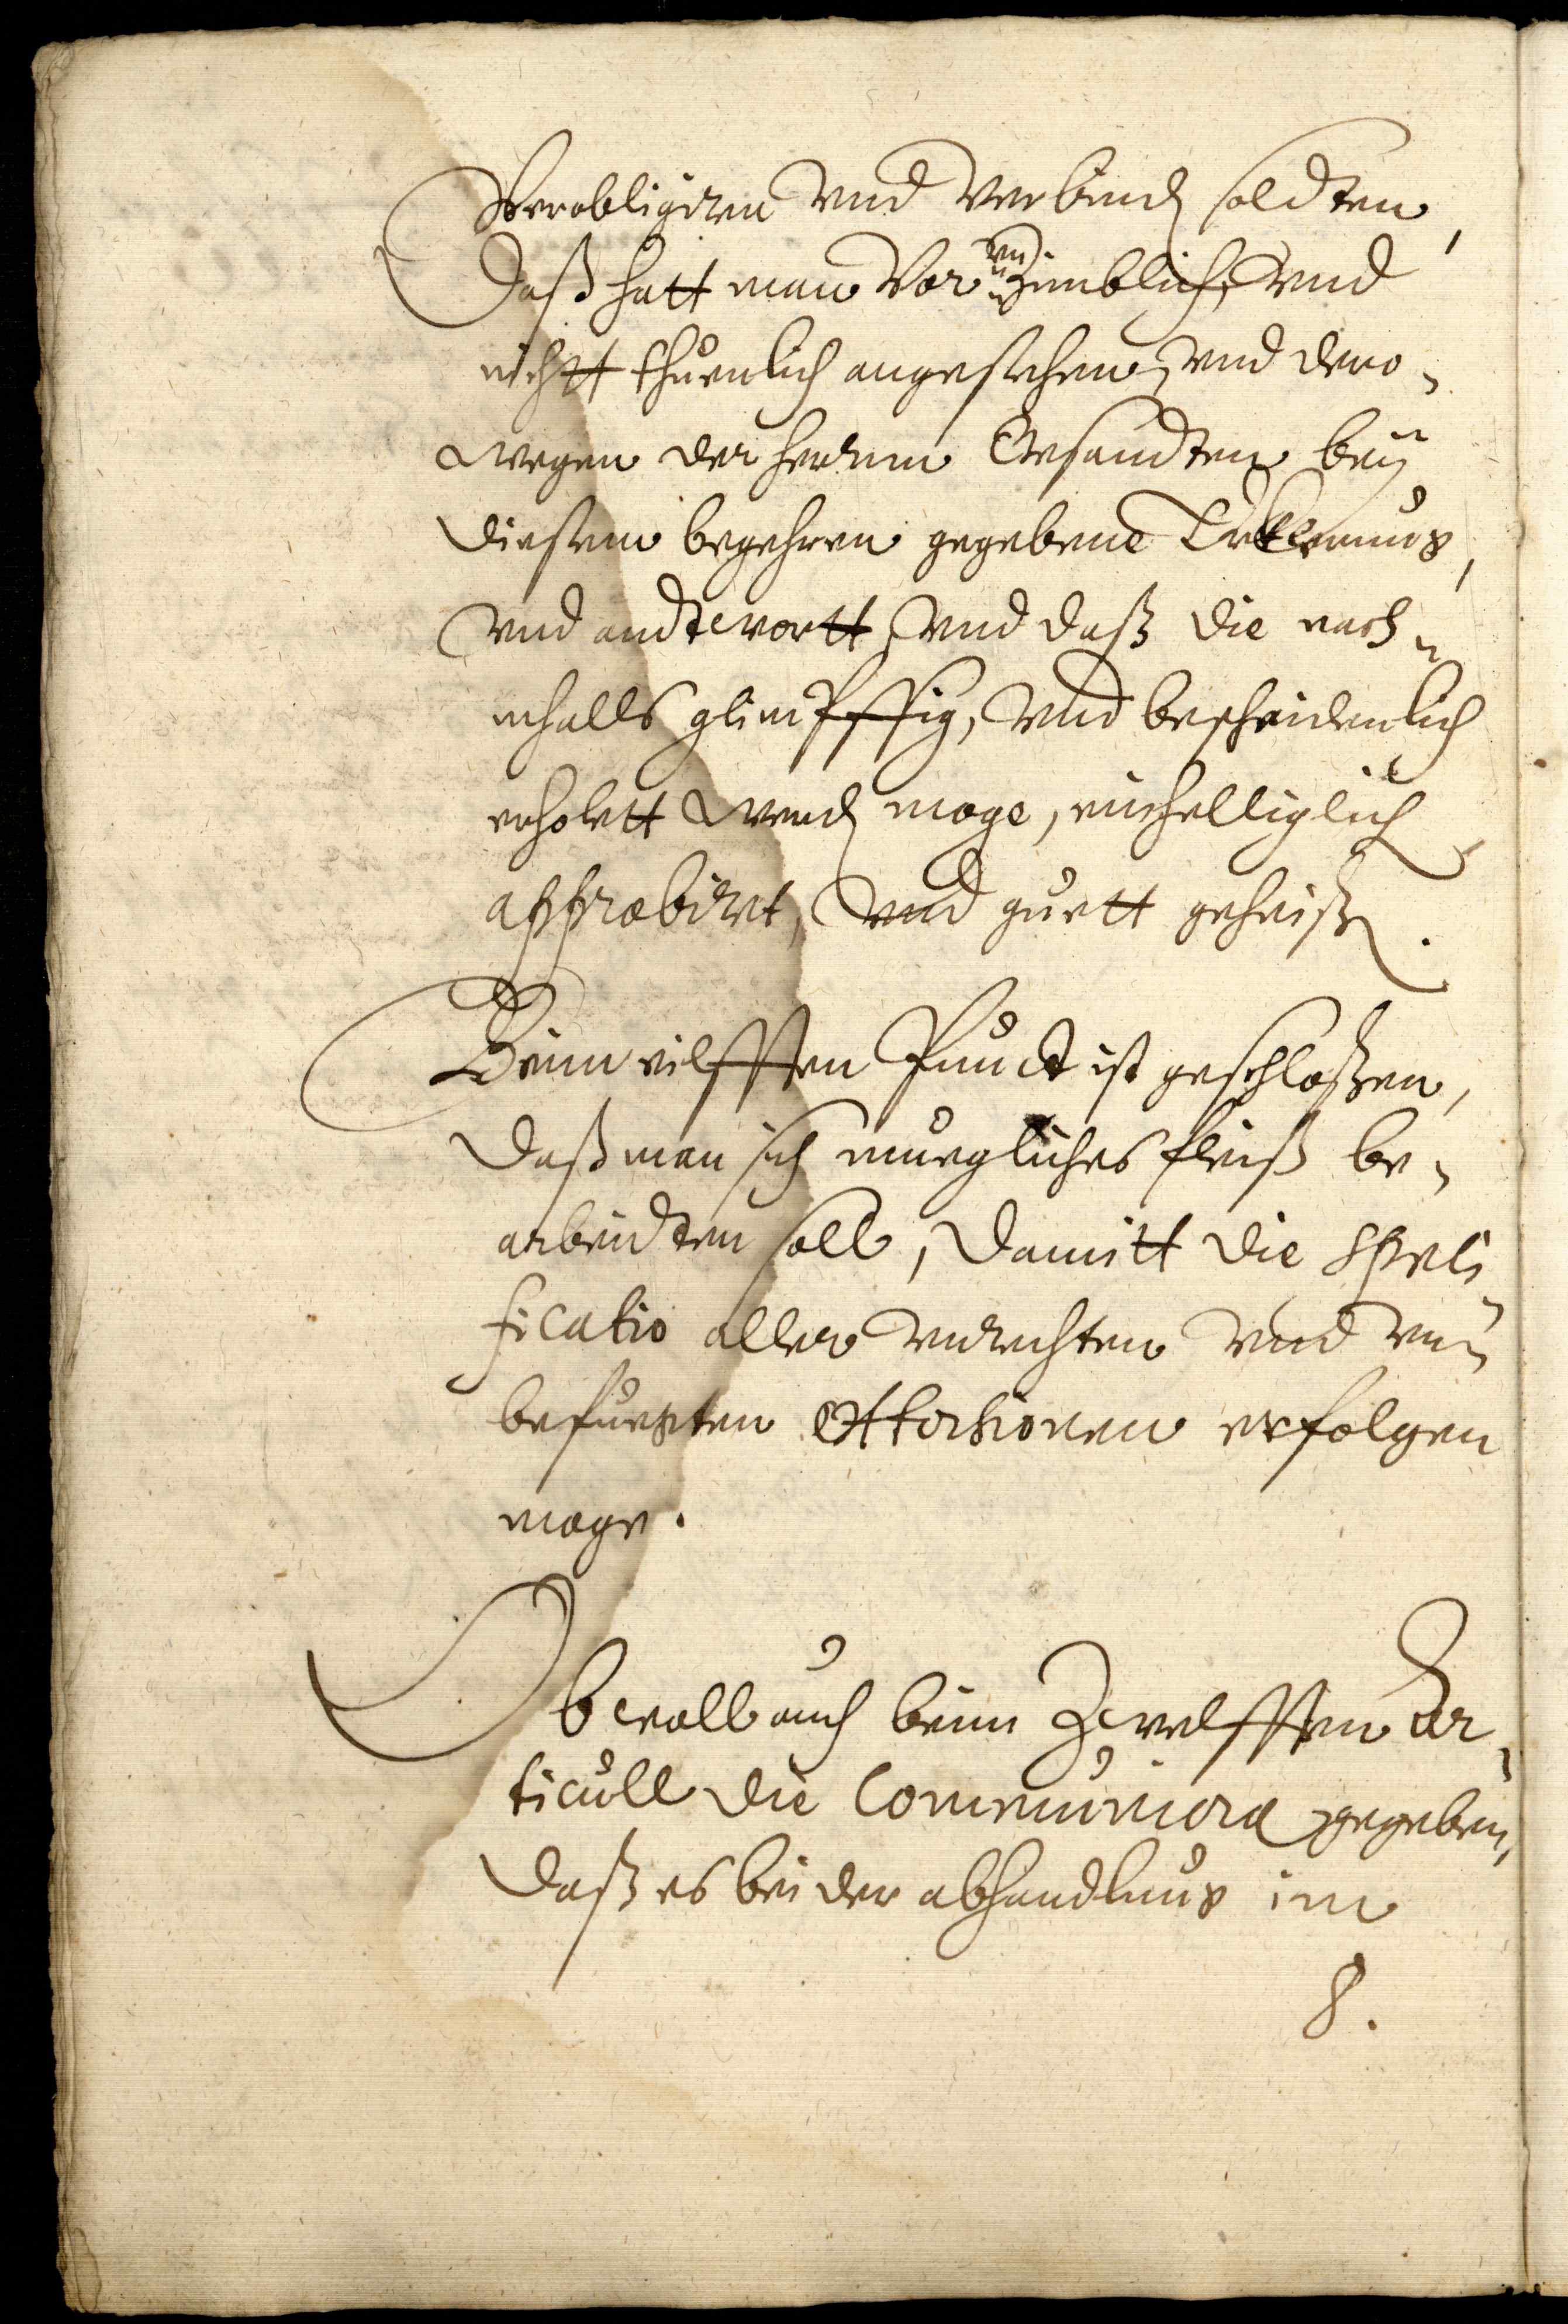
Verobligiren vnd verbinden soldten,
daß hatt man Vor vnzimblich, vnd
nichtt thunlich angesehen, vnd dero¬
wegen der herrnn Gesandten beij
diesem begehren gegebene Erklerung,
vnd andtwortt, vnd daß die nach¬
mhalls glimpffig, vnd bescheidenlich
erholett werden moge, einhelliglichen
approbiert vnd guett geheißen.
Zum eilfften Punct ist geschloßen,
daß man sich muegliches fleiß be¬
arbeidten soll, damitt die speci¬
ficatio aller vnrechten vnd vn¬
befuegten occasionen erfolgen
moge.
Obwoll auch beim Zwelfften Ar¬
ticull die Communiora gegeben,
daß es bei der abhandlung im
8.
